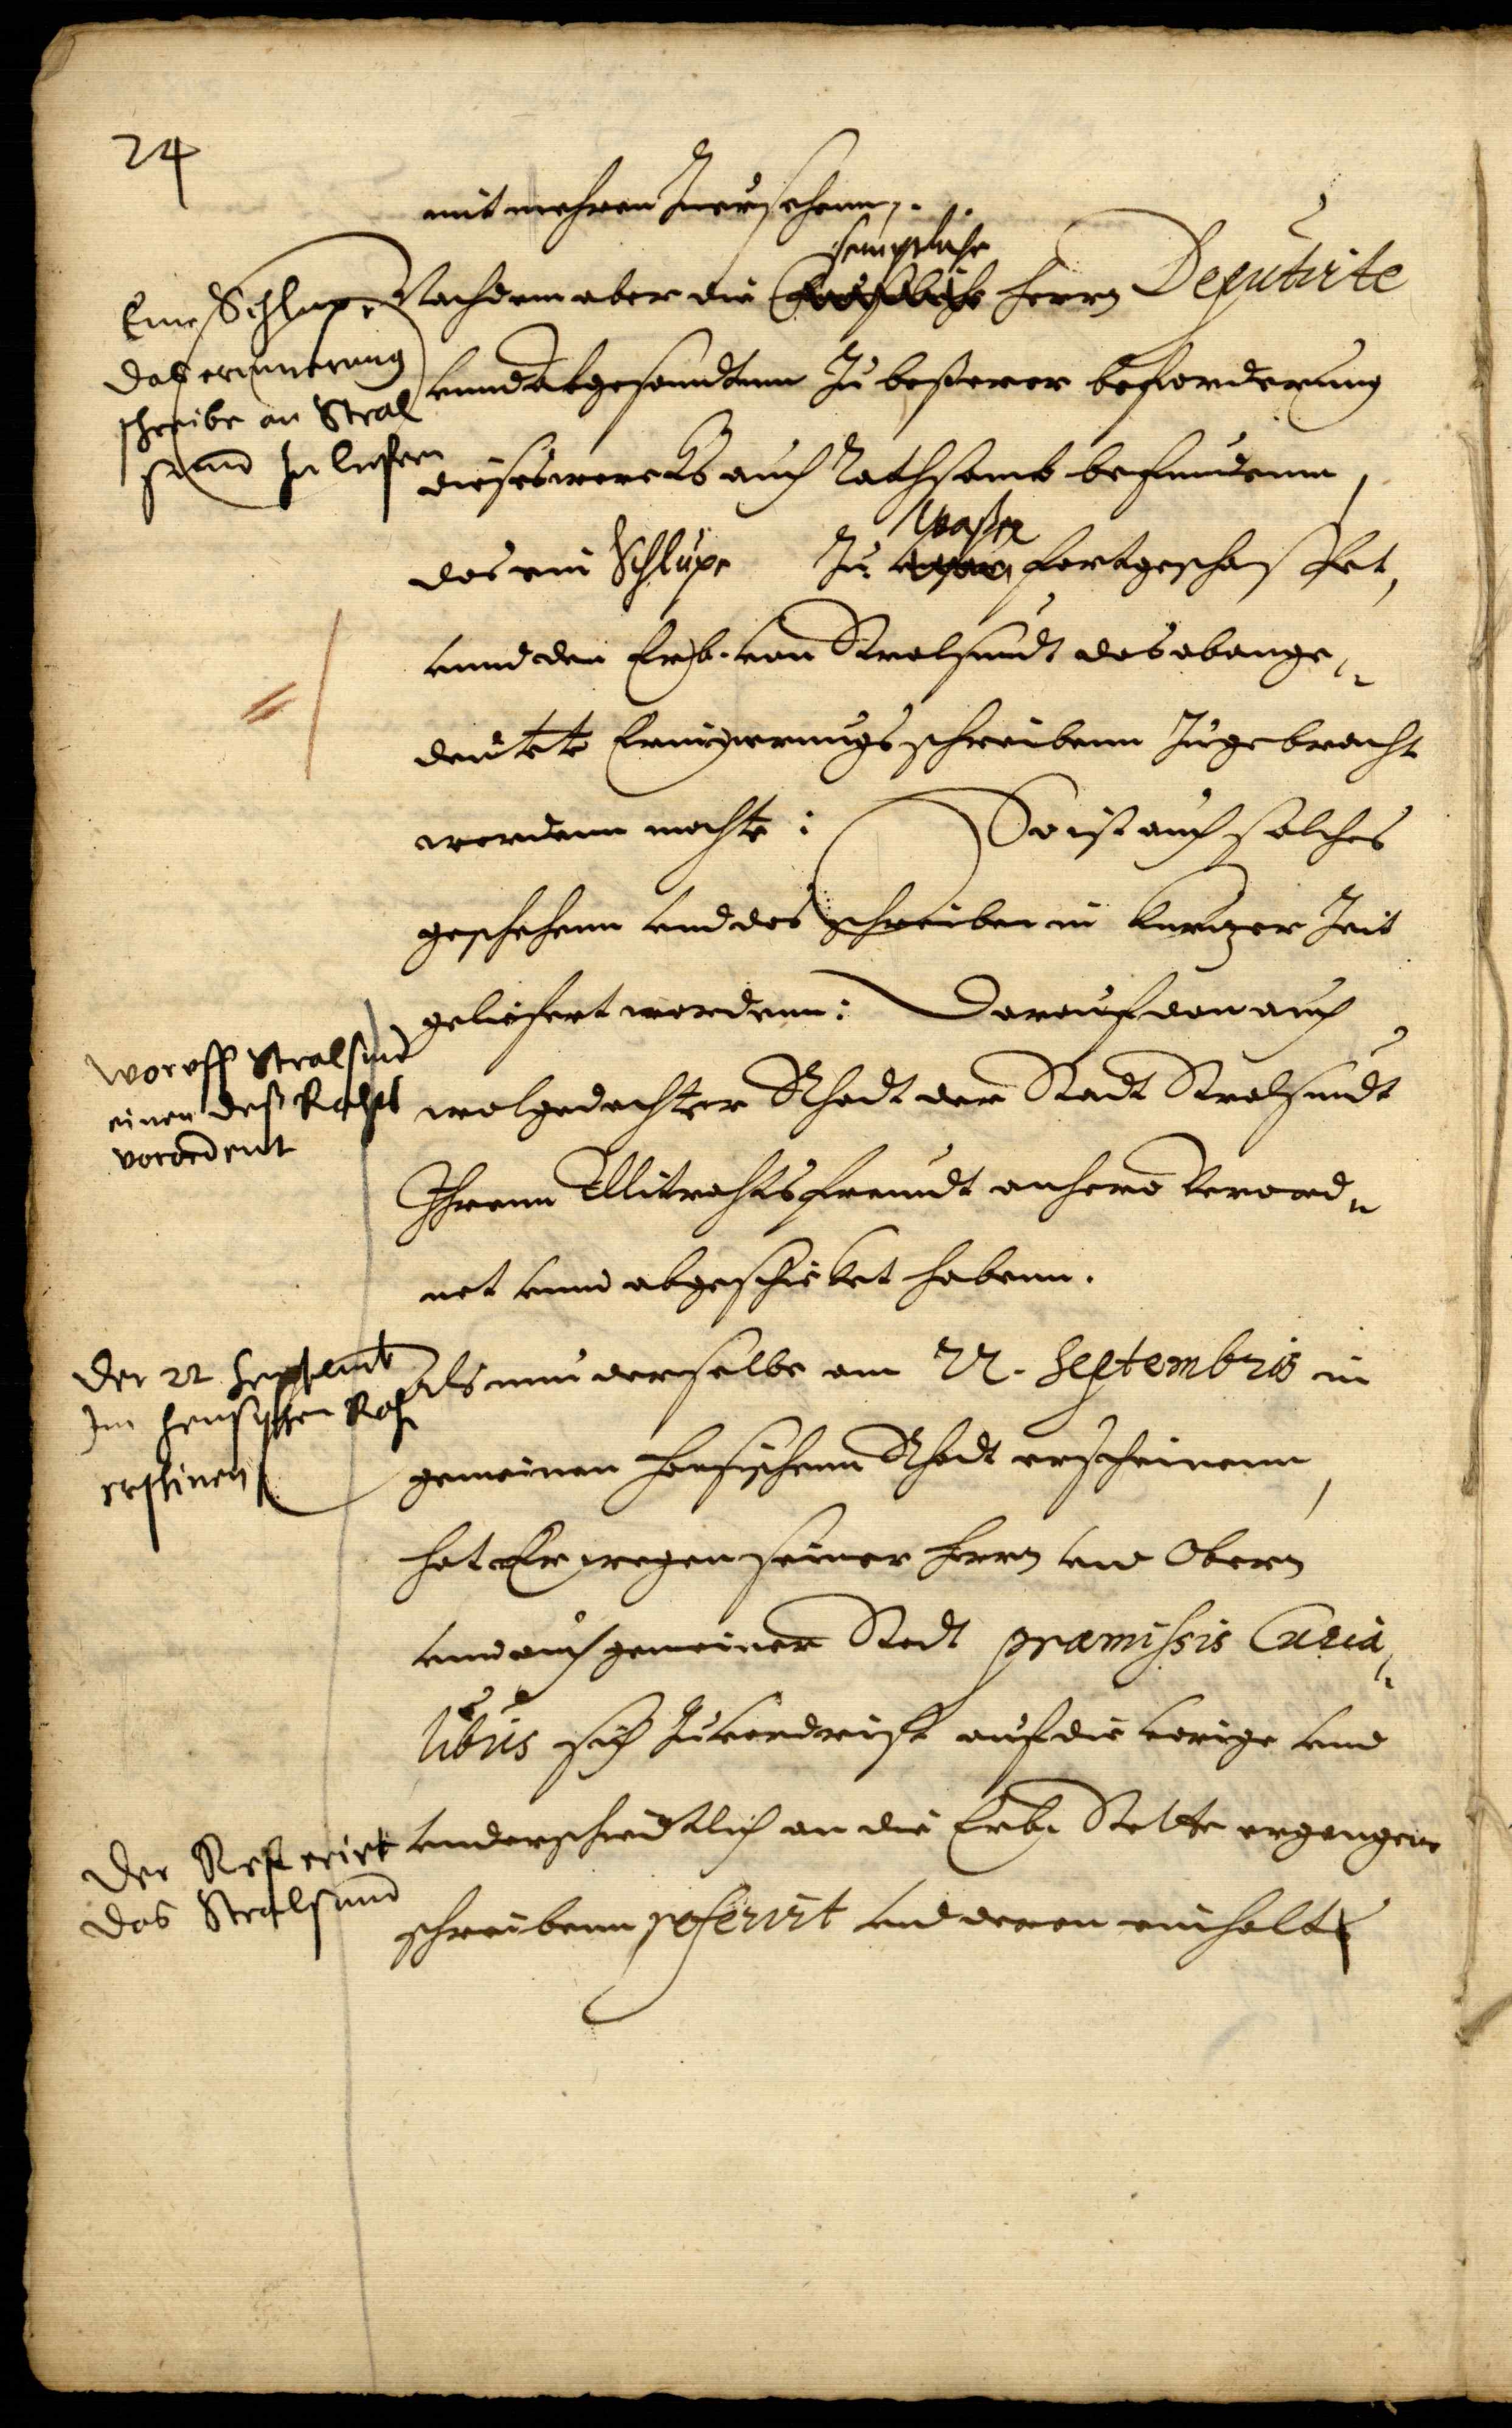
24
mit mehren zuersehenn,.
semptliche
Nachdem aber die herrn Deputirte
vnnd Abgesanndtenn zu beßerer beforderung
dieses wercks auch rathsamb befundenn,
waßer
das ein Schlupe zu were fortgeschaffet,
vnnd die Erb.von Stralsundt das obange¬
deutete Erinnerungsschreibenn zugebracht
werdenn mochte: So ist auch solches
geschehenn und das schreiben in kurtzer zeit
geliefert wordenn: Darauf dan auch
wolgedechter Rhadt der Stadt Stralsundt
Ihrenn Mitrahts freundt anhero verord¬
net vnnd abgeschicket habenn.
Als nun derselbe am 22. Septembris in
gemeinen hansischenn Rhadt erschienenn,
hat Er wegen seiner herrn vnd Obern
vnnd auf gemeiner Stedt praemissis Curia¬
libris sich zu verdrist auf die vorige vnd
vnderschiedtlich an die Erb. Stette ergangene
schreibenn referirt vnd deren einhalts
Eine Schlupe
das erinnerung
schreibe an Stral
sund zu liefern
woroff Stralsund
einen deß Rahts
vorordent
der 22 Septemb
im hensischen Raht
erschinen,
der Referirt
das Stralsund
